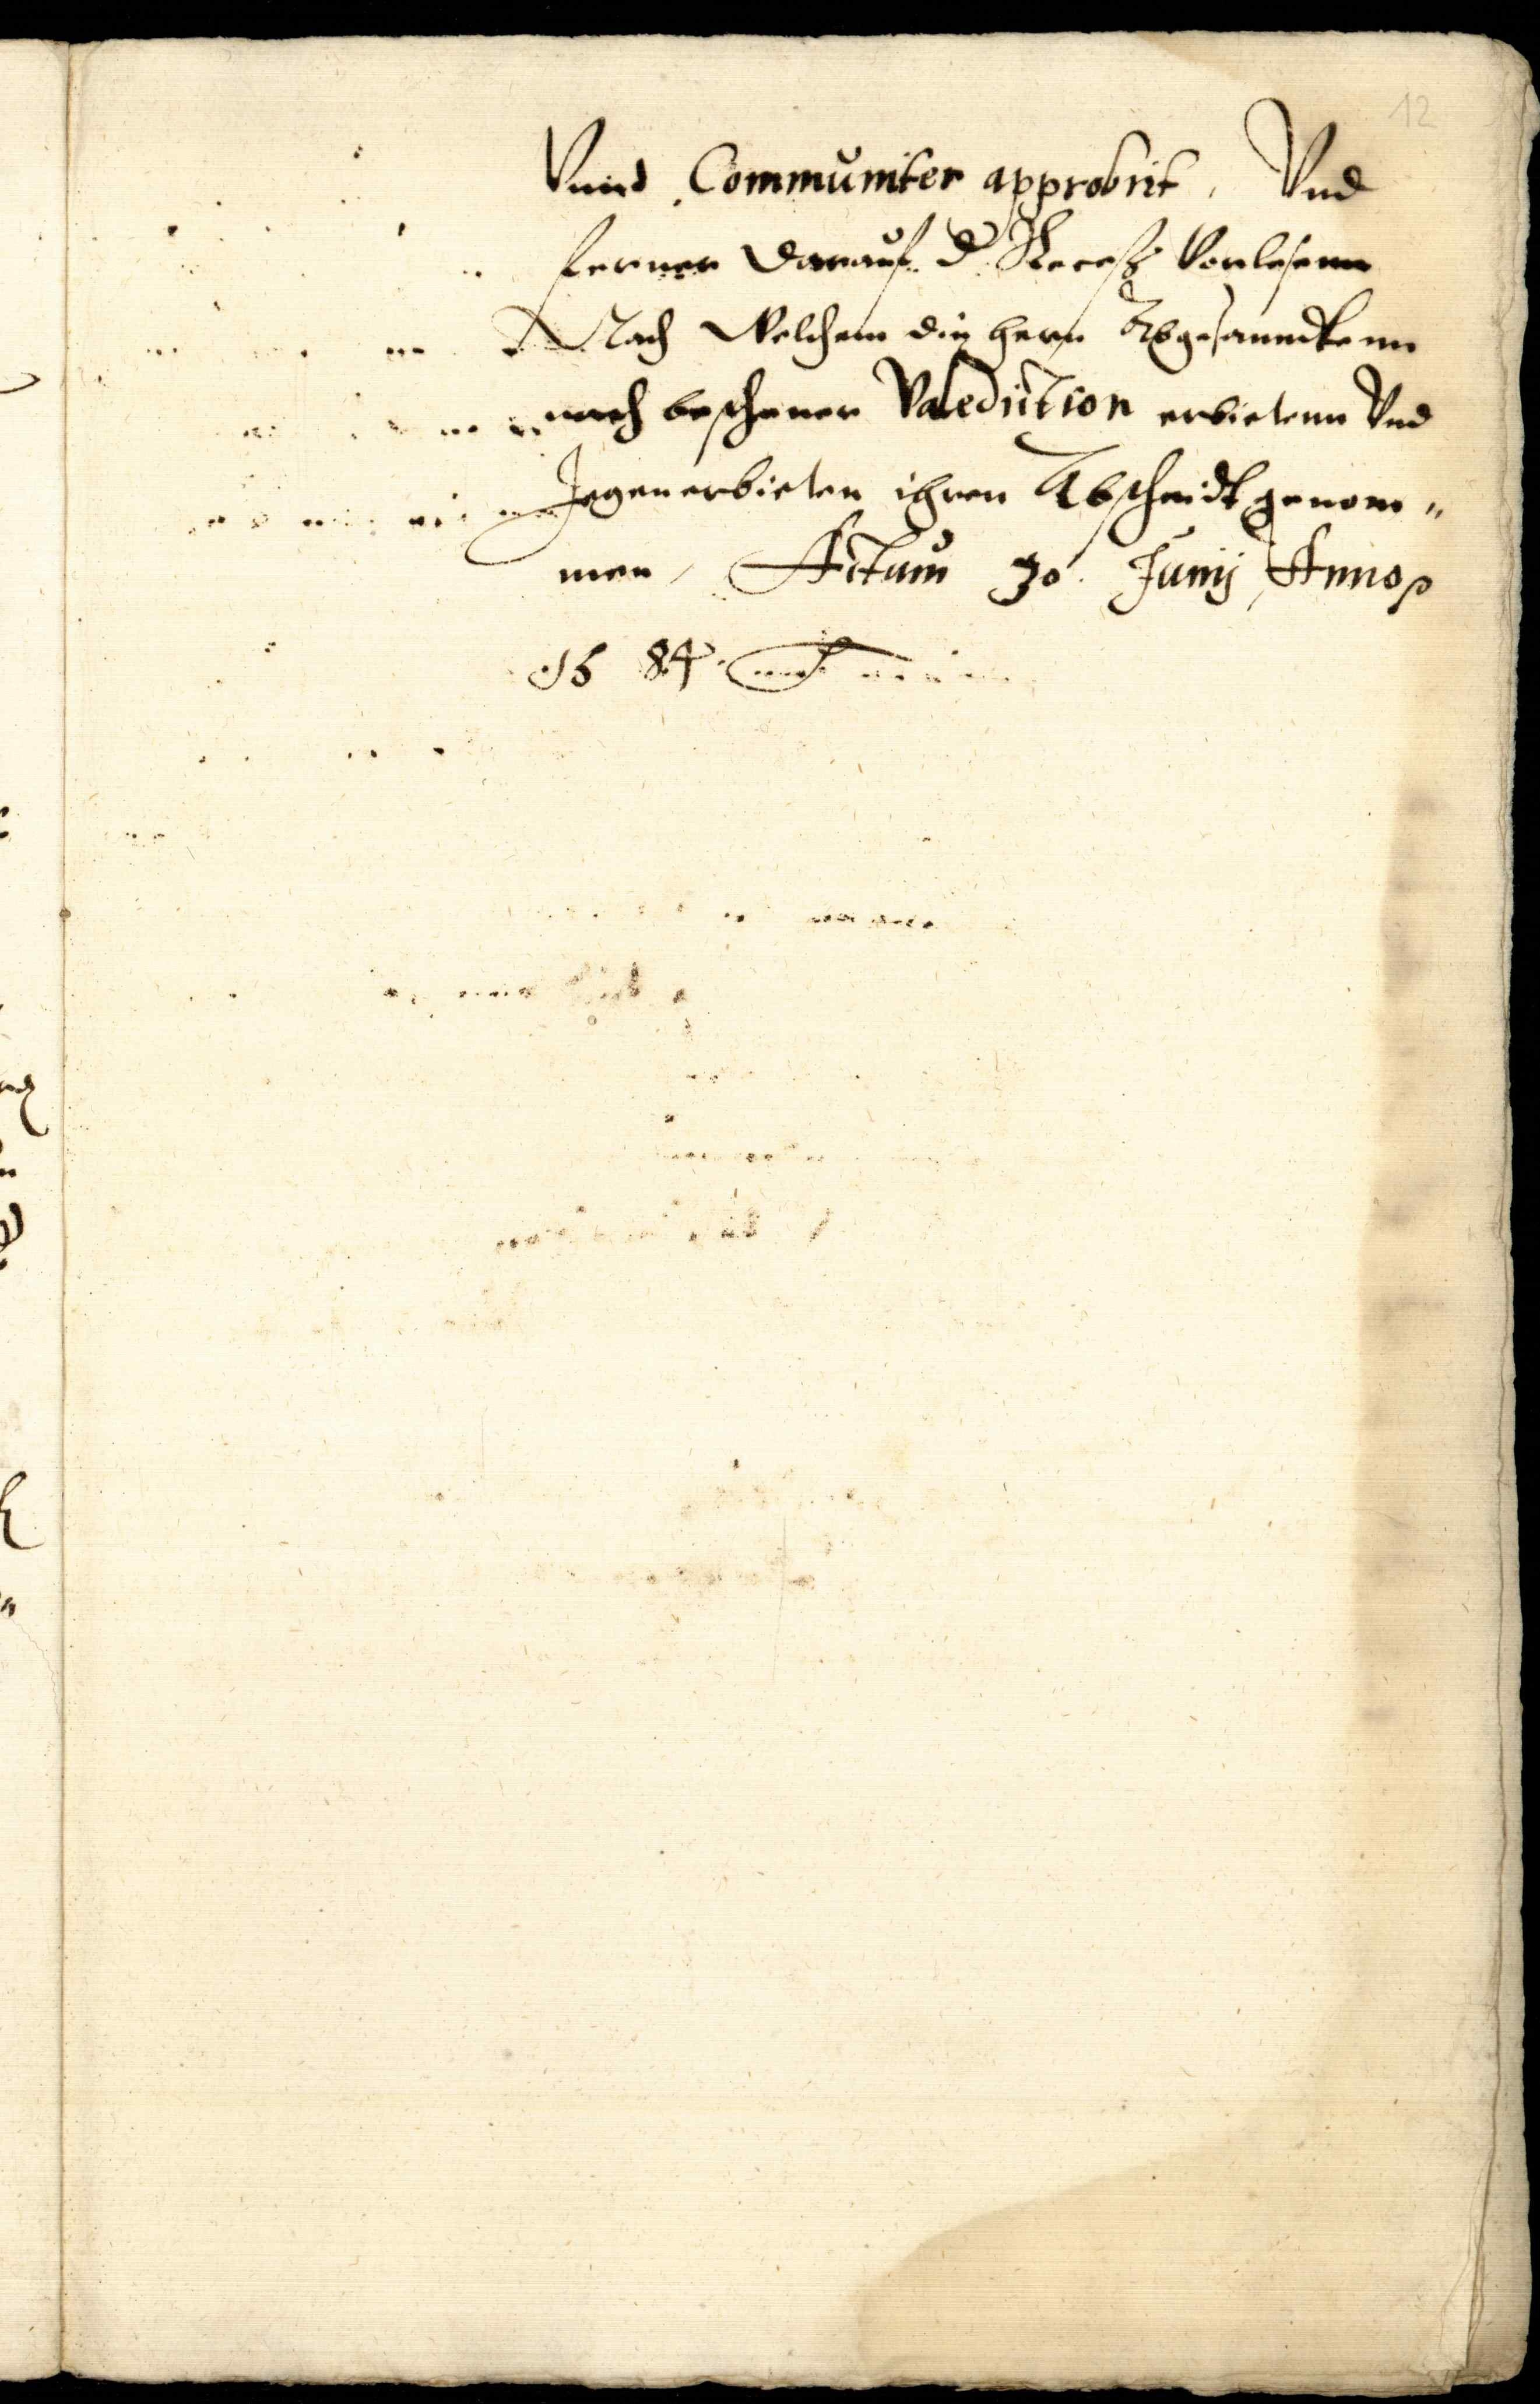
Vnnd Communiter approbirt, Vnd
ferner darauf der Receß vorlesenn
Nach Welchem die hern Abgesanndtenn
nach beschener Valediction erbietenn Vnd
Jegenerbieten ihren Abscheidt genom¬
men, Actum 30. Junij, Anno p
15 84 p
